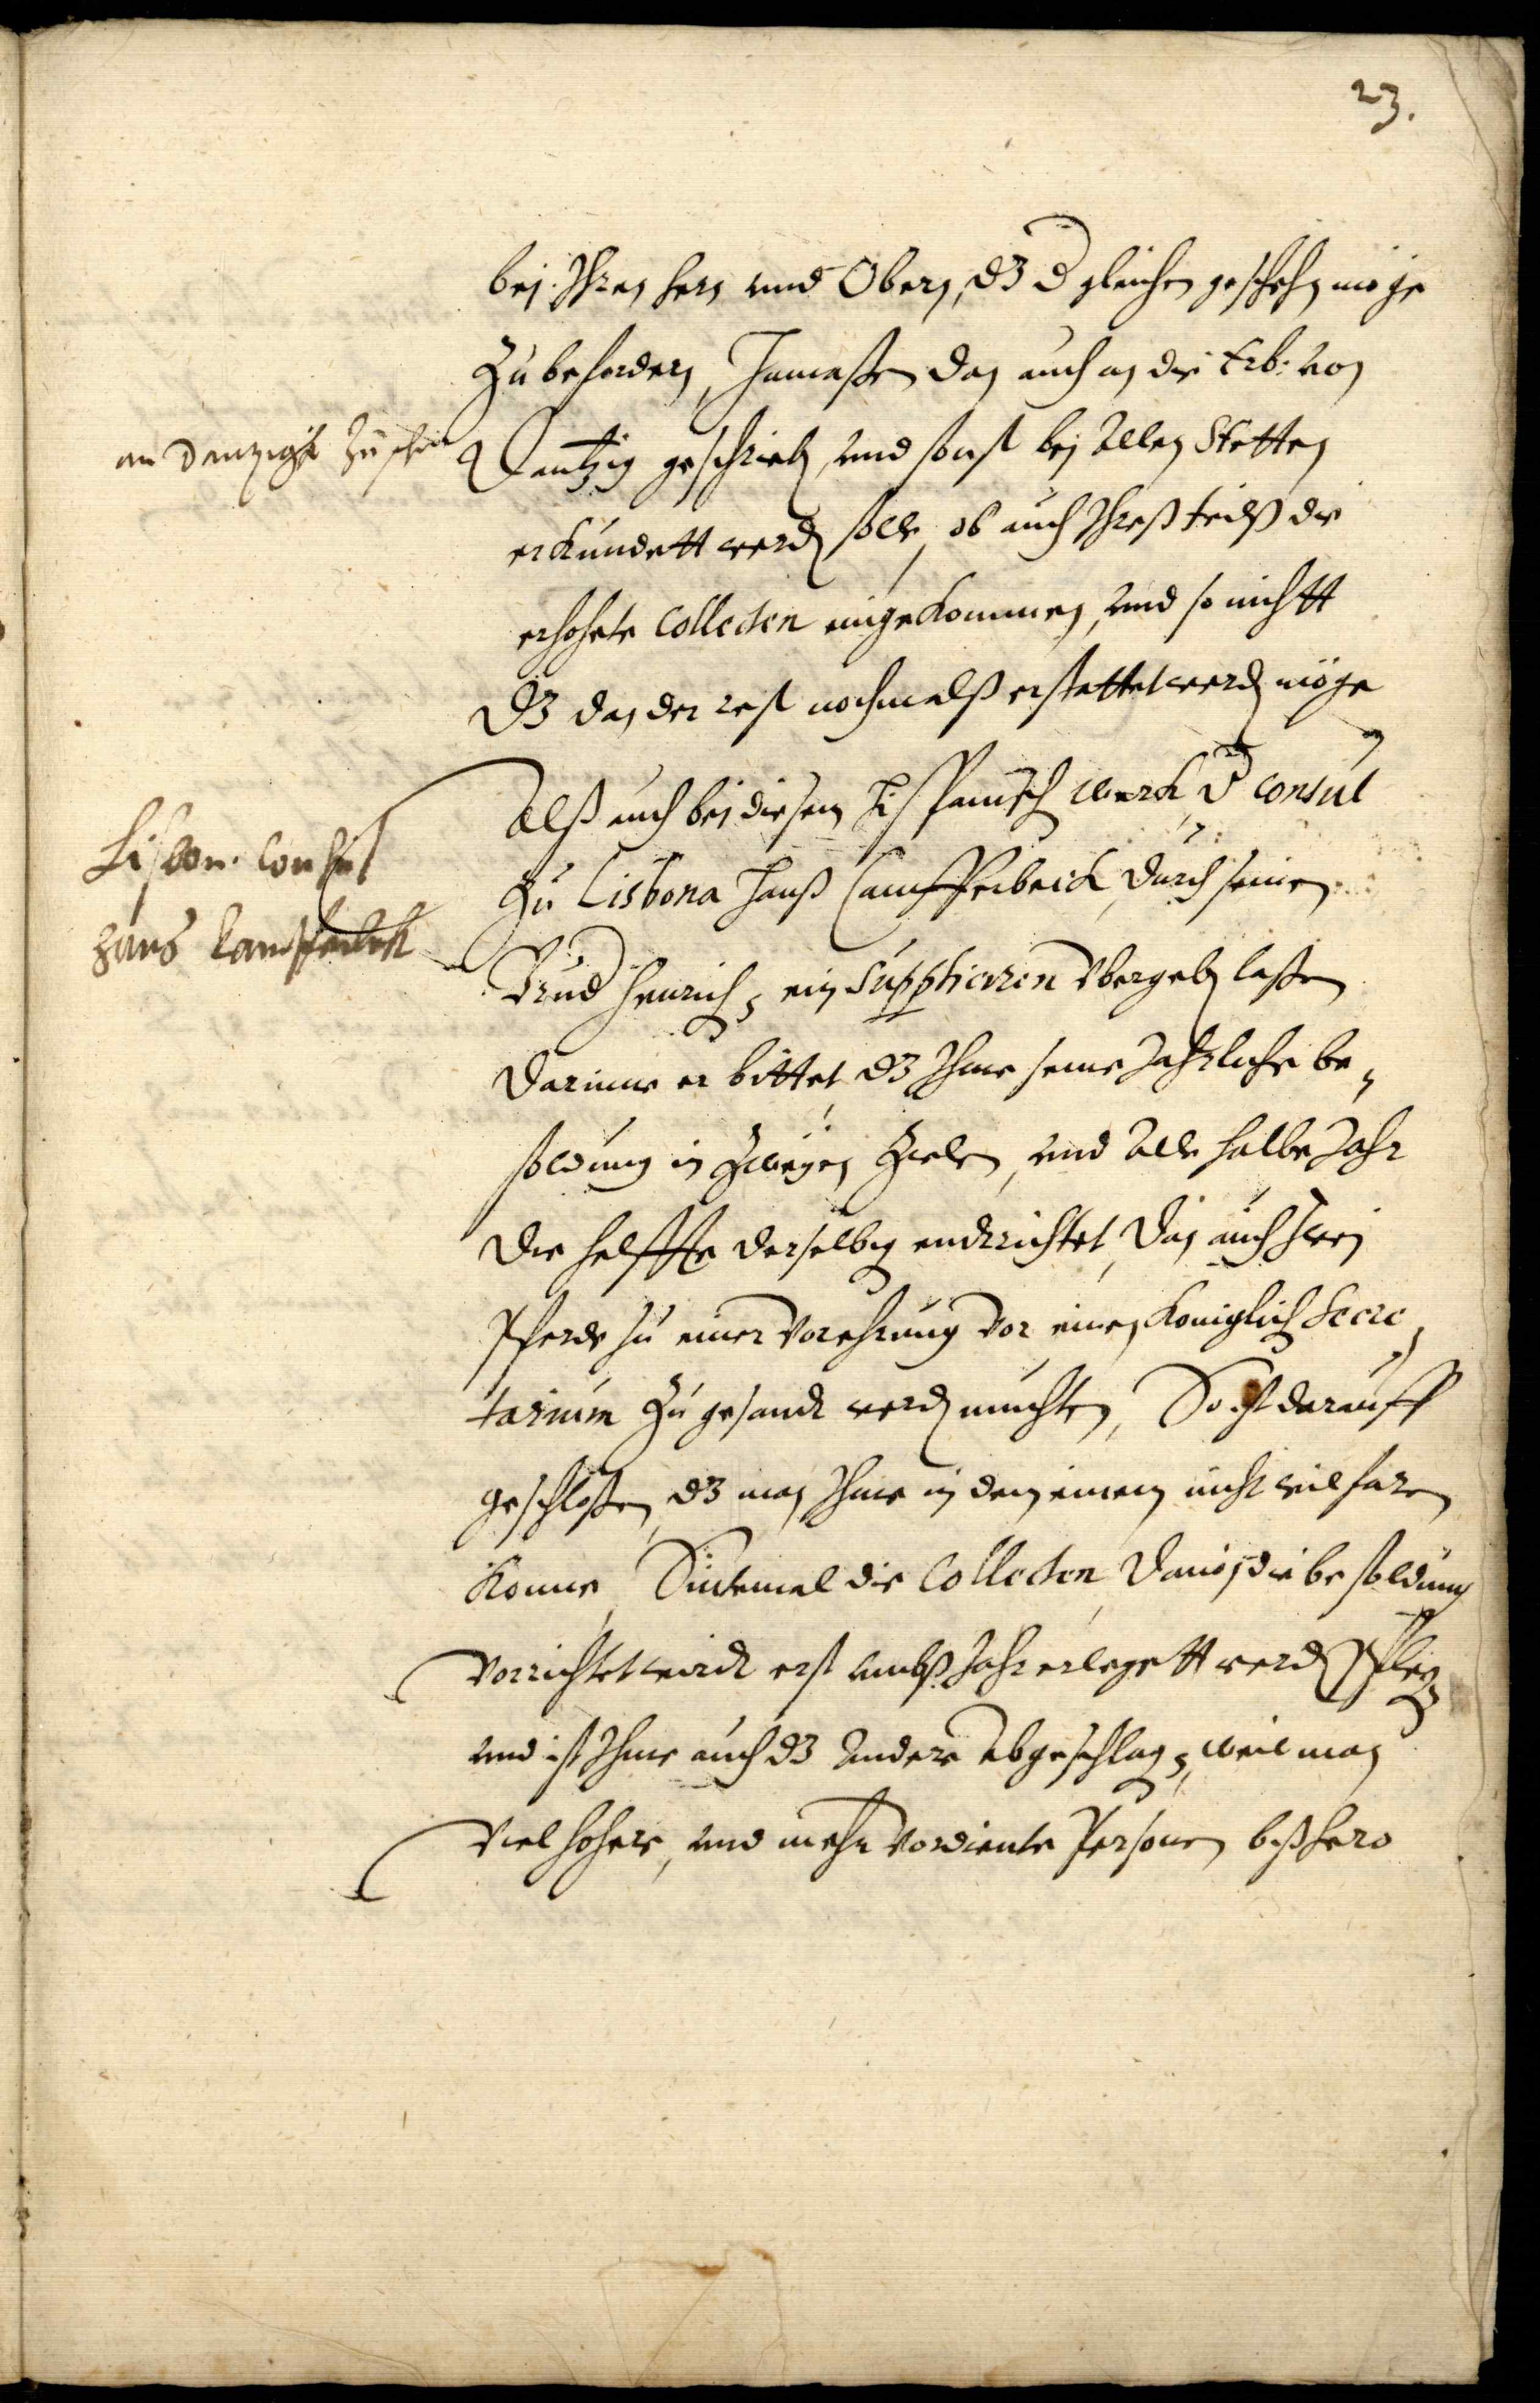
23.
an Dantzigk zu schr
Lisbon. Consul
Hans Kampferbek
bei Ihren hern vnd Obern, das der gleichen geschehn möge
Zu befordern, Inmaßen dan auch an die Erb: von
Dantzig geschrieben, vnd sonst bei Allen Stetten
erkundett werden solle, ob auch Ihreß teilß die
erhohete collecten eingekommen, vnd so nichtt
das dan der rest nochmalß erstattet werden möge
Alß auch bei diesem hispanischen werk der consul
zu Lisbona Hanß Camfferbeck durch seinen
Bruder Henrichen, ein Suppliciren Vbergeben laßen
darinne er bittet das Ihme seine Jahrliche be¬
soldung in Zweijen Zielen, vnd Alle halbe Jahr
die helffte derselbigen endtrichtet, Dan auch zwen
Pferde zu einer Vorehrung vor einen koniglichen Secre¬
tarium zu gesandt werden muchten, So ist darauff
geschloßen, das man Ihme in den einem nicht wilfaren
konne, Sintemal die Collecten darin die besoldung
vorrichtet wird erst vmbß Jahr erlegett werden pflegen,
vnd ist Ihme auch das andere Abgeschlagen, weil man
viel hoher, vnd mehr vordiente Personen bißhero
